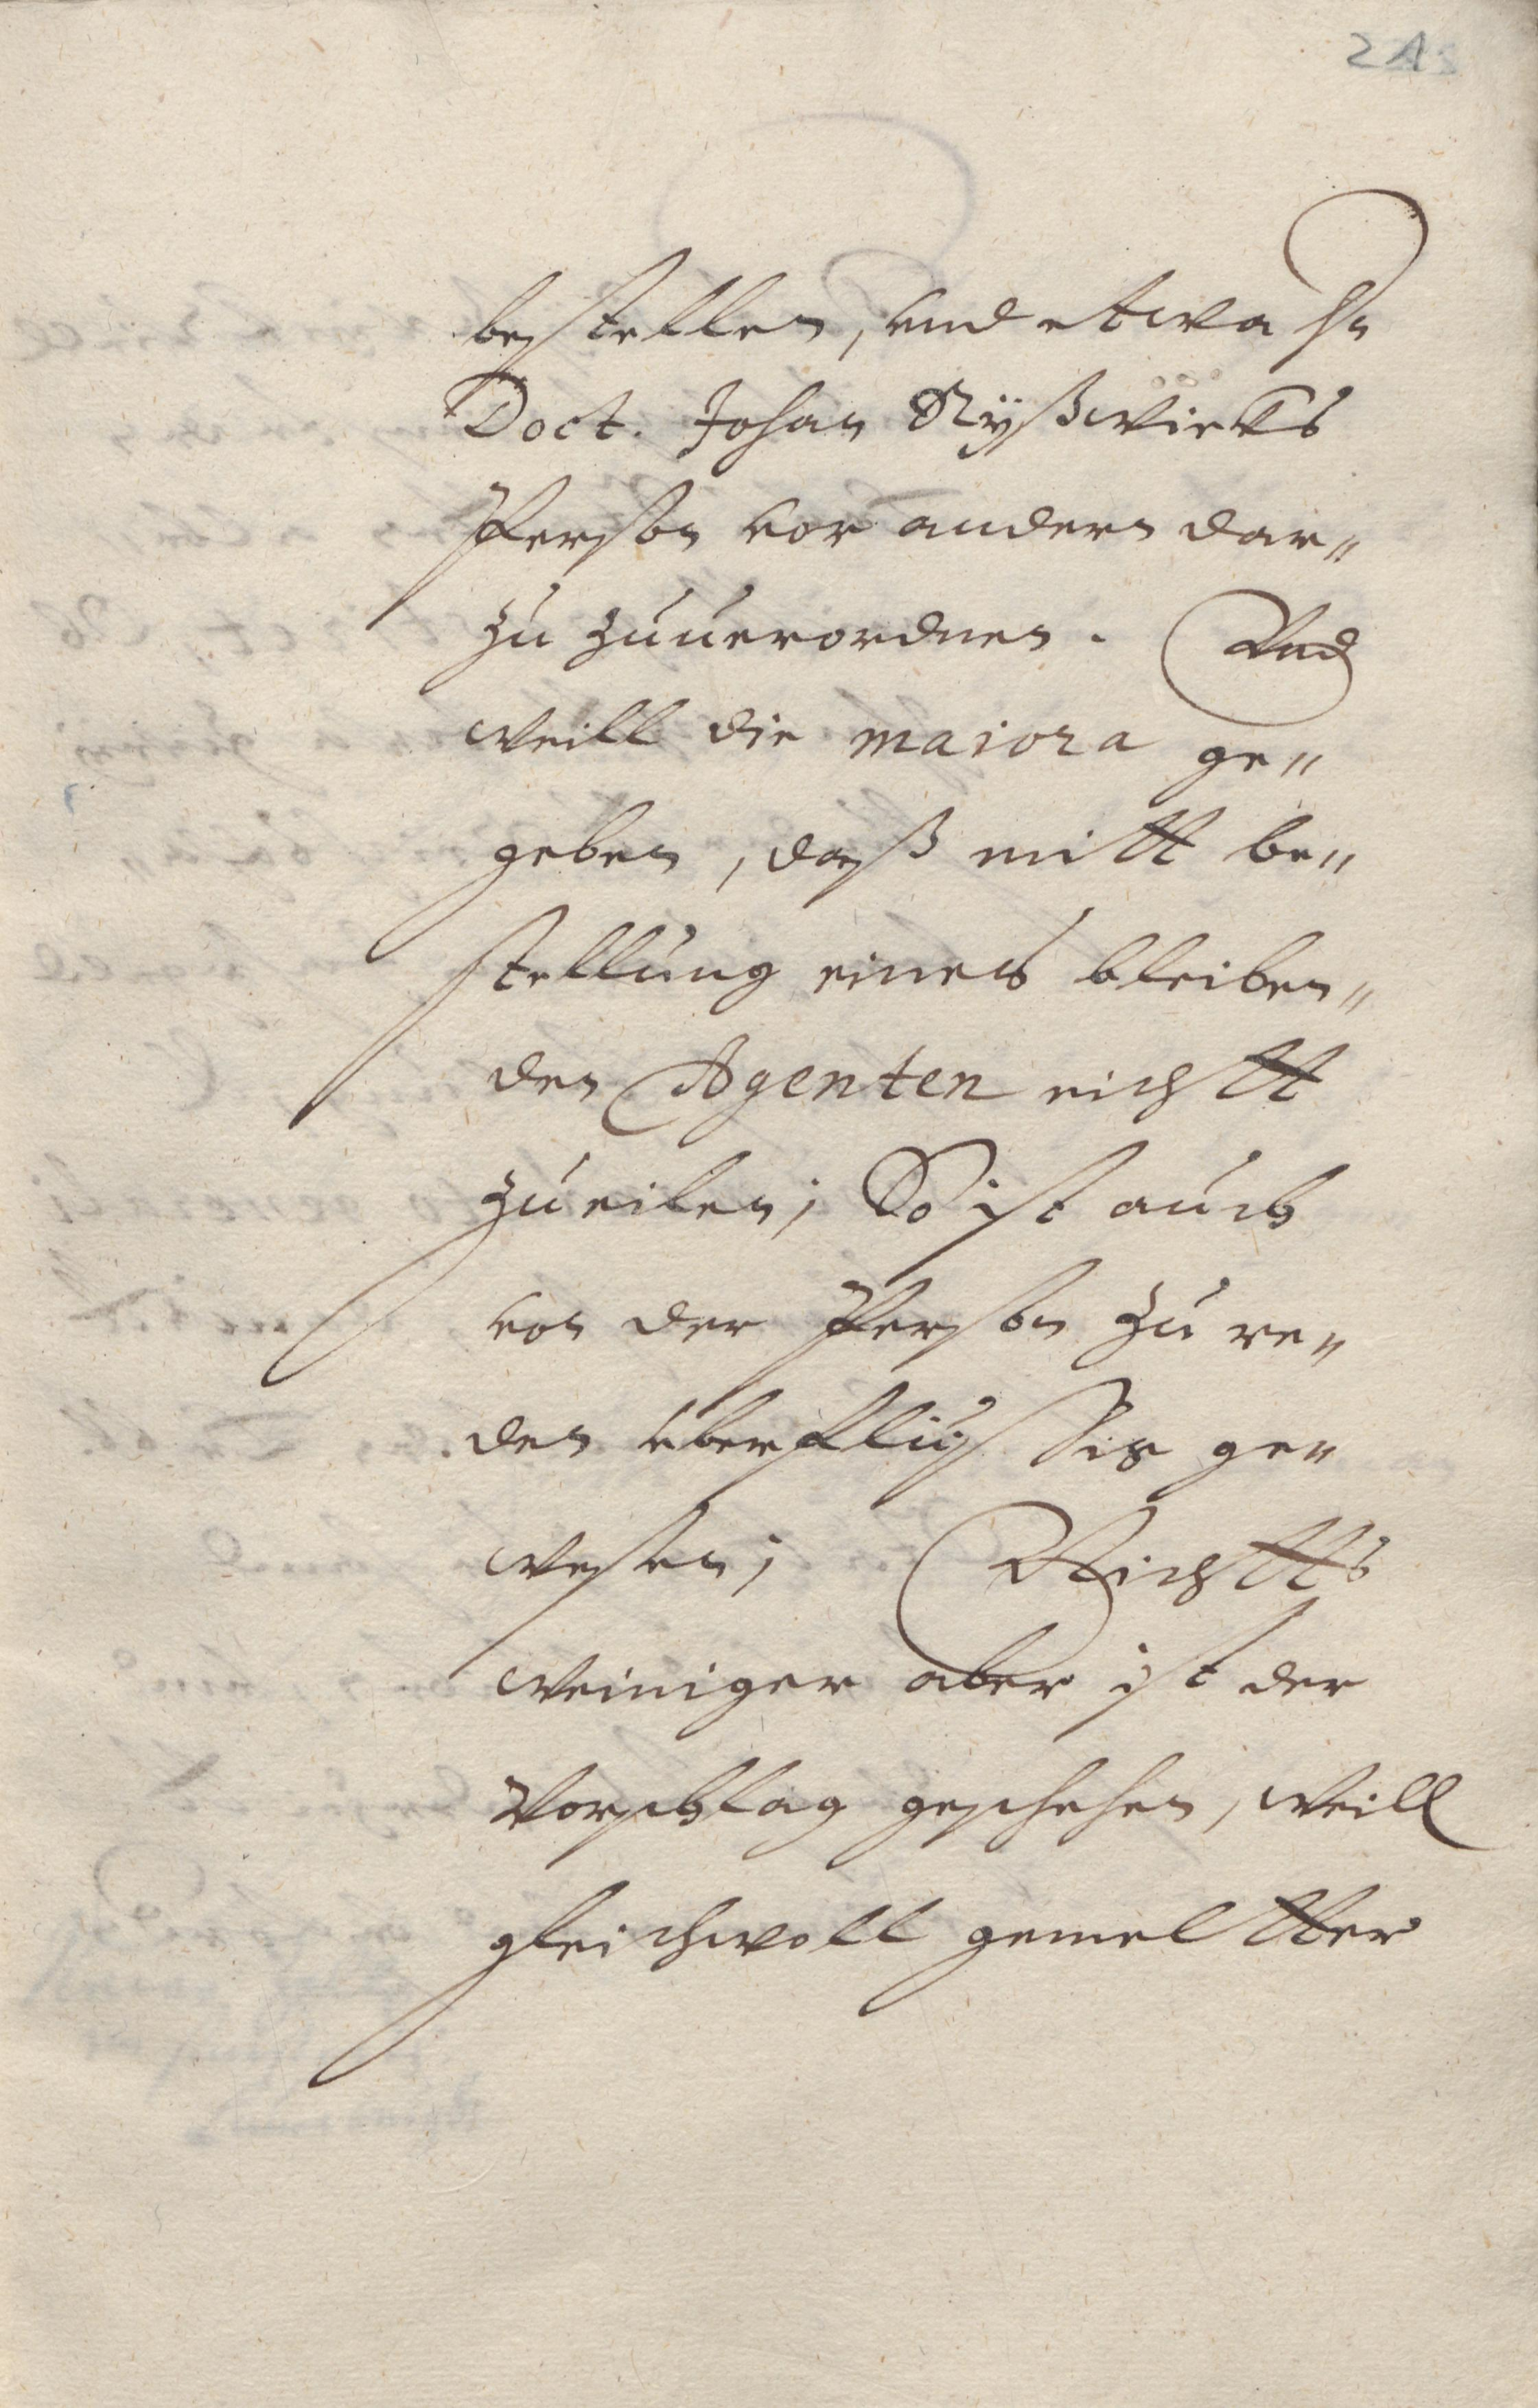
bestellen, vnd etwa hern
Doct. Johan Rijßwicks
Person vor andern dar¬
zu zuuerordnen. Vnd
weill die maiora ge¬
geben, daß mitt be¬
stellung eines bleiben¬
den Agenten nichtt
zu eilen, So ist auch
von der Person zu re¬
den vberflüssige ge¬
wesen; Nichtts
weiniger aber ist der
Vorschlag geschehen, weill
gleichwoll gemeltter
